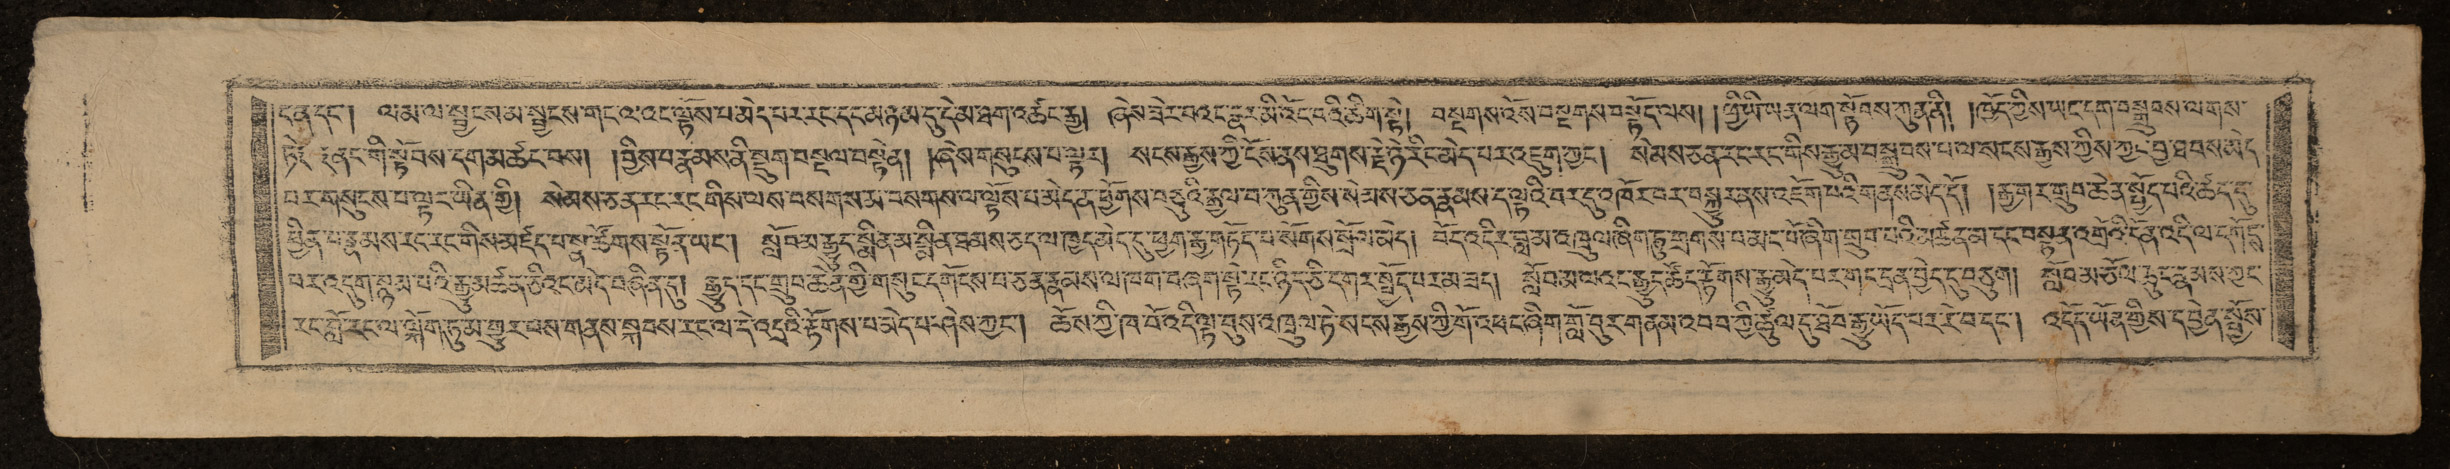ངན་དང་། ལམ་ལ་སྦྱངས་མ་སྦྱངས་གང་ལའང་ལྟོས་པ་མེད་པར་རང་དང་མཉམ་དུ་དེ་མ་ཐག་འཚང་རྒྱ། ཞེས་ཟེར་བའང་རྣར་མི་འོང་བའི་ཚིག་སྟེ། བསྔགས་འོས་བསྔགས་བསྟོད་ལས། །ཕྱི་ཡི་ཡན་ལག་སྟོབས་ཀུན་ནི། །ཁྱོད་ཀྱིས་ཡང་དག་བསྒྲུབས་ལགས་
ཏེ༑ ༑ནང་གི་སྟོབས་དག་མ་ཚང་བས། །བྱིས་བ་རྣམས་ནི་སྡུག་བསྔལ་བསྟེན། །ཞེས་གསུངས་པ་ལྟར། སངས་རྒྱས་ཀྱི་ངོས་ནས་ཐུགས་རྗེ་ཉེ་རིང་མེད་པར་འཇུག་ཀྱང་། སེམས་ཅན་རང་རང་གིས་རྒྱུ་མ་བསྒྲུབས་པ་ལ་སངས་རྒྱས་ཀྱིས་ཀྱང་བྱ་ཐབས་མེད་
བར་གསུངས་པ་ལྟར་ཡིན་གྱི། སེམས་ཅན་རང་རང་གིས་ལས་བསགས་མ་བསགས་ལ་ལྟོས་པ་མེད་ན་ཕྱོགས་བཅུའི་རྒྱལ་བ་ཀུན་གྱིས་སེམས་ཅན་རྣམས་ད་ལྟའི་བར་དུ་འཁོར་བར་བསྐྱུར་ནས་འཇོག་པའི་གནས་མེད་དོ། །རྒྱ་གར་གྲུབ་ཆེན་སྤྱོད་པའི་ཚད་དུ་
ཕྱིན་པ་རྣམས་རང་རང་གིས་མཛད་པ་སྣ་ཚོགས་སྟོན་ཡང་། སློང་མ་རྒྱུད་སྨིན་མ་སྨིན་ཐམས་ཅད་ལ་ཁྱད་མེད་དུ་ཕྱག་རྒྱ་གཏོད་པ་སོགས་སྲོལ་མེད། བོད་འདིར་བླ་མ་འཁྲུལ་ཞིག་ཏུ་གྲགས་པ་མང་པོ་ཞིག་གྲུབ་པའི་མཚན་མ་དང་བསྟན་འགྲོའི་དོན་འདི་ལ་དགོངས་
པར་འདུག་སྙམ་བའི་རྒྱུ་མཚན་ཅིའང་མེད་བཞིན་དུ། རྒྱུད་དང་གྲུབ་ཆེན་གྱི་གསུང་དགོངས་པ་ཅན་རྣམས་ལ་ཁག་བཞག་སྟེ་རང་ཉིད་ཅི་དགར་སྤྱོད་པར་མ་ཟད། སློབ་མ་ལའང་རྒྱུད་ཚོད་རྟོགས་རྒྱུ་མེད་པར་གང་དྲན་བྱེད་དུ་བཅུག །སློབ་མ་ཅོལ་ཆུང་རྣམས་ཀྱང་
རང་བློ་རང་ལ་ལྐོག་ཏུ་མ་གྱུར་པས་གནས་སྐབས་རང་ལ་དེ་འདྲའི་རྟོགས་པ་མེད་པ་ཤེས་ཀྱང་། ཆོས་ཀྱི་ཁ་པོ་འདི་ལྟ་བུས་འཁྲུལ་ཏེ་སངས་རྒྱས་ཀྱི་གོ་འཕང་ཞིག་གློ་བུར་གནམ་འབབ་ཀྱི་ཚུལ་དུ་ཐོབ་རྒྱུ་ཡོད་པར་རེ་བ་དང་། འདོད་ཡོན་ཀྱིས་དབྱེན་སྦྱོས་